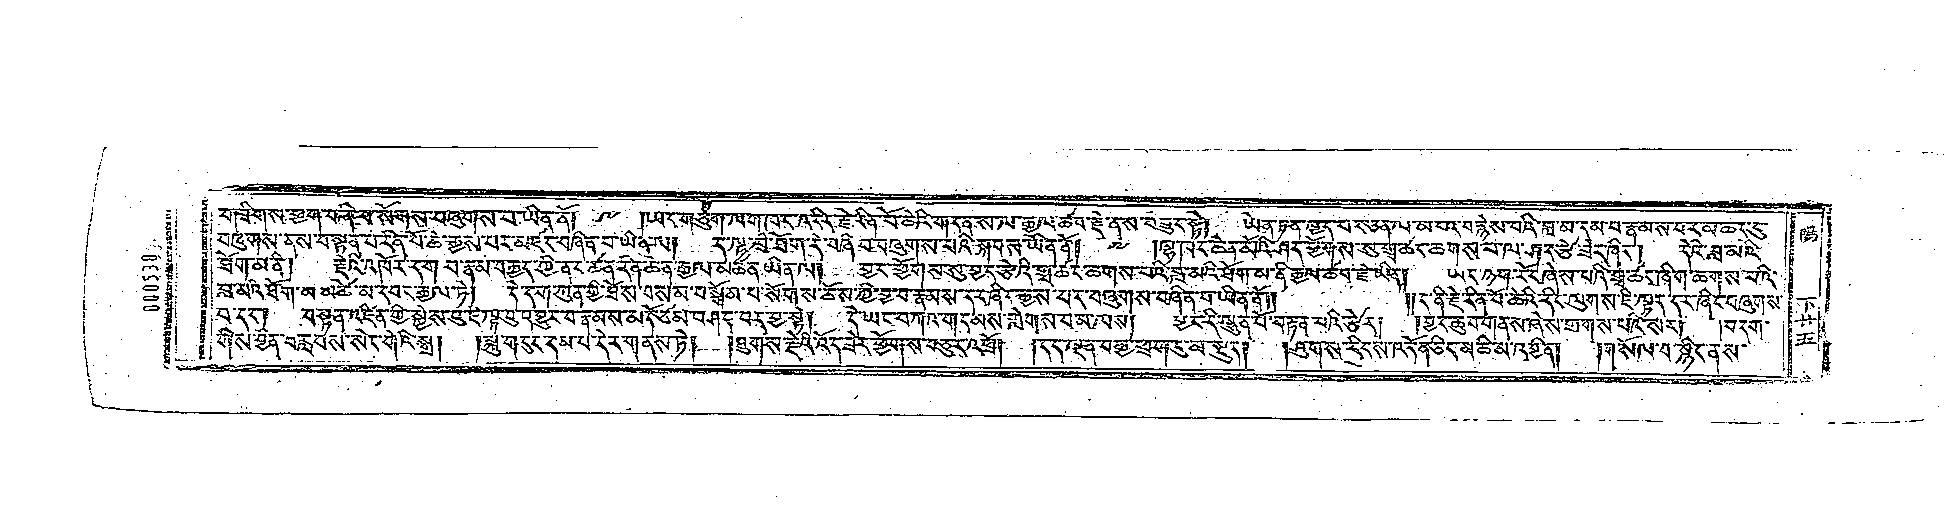གཟིགས་ཕྱག་བཞི་པ་སོགས་བཞུགས་པ་ཡིན་ནོ། ༧་།ཡང་གཙུག་ལག་ཁང་འདིར་རྗེ་རིན་པོ་ཆེའི་གདན་ས་ལ་རྒྱལ་ཚབ་རྗེ་ནས་བཟུང་སྟེ། ཡོན་ཏན་ཁྱད་པར་ཅན་ལ་མངའ་བརྙེས་པའི་བླ་མ་དམ་པ་རྣམས་བར་མ་ཆར་དུ་
བཞུགས་ནས་བསྟན་པ་རིན་པོ་ཆེ་རྒྱས་པར་མཛད་བཞིན་པ་ཡིན་ལ། ད་ལྟ་ཁྲི་ཐོག་རེ་བཞི་པ་བཞུགས་པའི་སྐབས་ཡིན་ནོ། ༧་།ལྷ་ཁང་ཆེན་མོའི་ཤར་ཕྱོགས་སུ་གྲྭ་ཚང་ཆགས་པ་ལ་ཤར་རྩེ་ཟེར་ཞིང་། དེའི་བླ་མའི་
ཐོག་མ་ནི། རྗེའི་འཁོར་དག་བ་རྣམ་བརྒྱད་ཀྱི་ནང་ཚན་རིན་ཆེན་རྒྱལ་མཚན་ཡིན་ལ། བྱང་ཕྱོགས་སུ་བྱང་རྩེའི་གྲྭ་ཆང་ཆགས་པའི་བླ་མའི་ཐོག་མ་ནི་རྒྱལ་ཚབ་རྗེ་ཡིན། ཡང་ཉག་རོང་ཞེས་པའི་གྲྭ་ཚང་ཞིག་ཆགས་པའི་
བླ་མའི་ཐོག་མ་མཚོ་མ་དབང་རྒྱལ་ཏེ། དེ་དག་ཀུན་གྱི་ཐོས་བསམ་བསྒོམ་པ་སོགས་ཆོས་ཀྱི་བྱ་བ་རྣམས་དར་ཞིང་རྒྱས་པར་བཞུགས་བཞིན་པ་ཡིན་ནོ།། །།ད་ནི་རྗེ་རིན་པོ་ཆེའི་རིང་ལུགས་ཇི་ལྟར་དར་ཞིང་བཞུགས་
པ་དང་། བསྟན་འཛིན་གྱི་སྐྱེས་བུ་ཇི་ལྟ་བུ་འབྱུང་བ་རྣམས་མདོ་ཙམ་བཤད་པར་བྱ་སྟེ། དེ་ཡང་བཀའ་གདམས་གླེགས་བམ་ལས། བྱང་རི་ལྷུན་པོ་བརྟན་པའི་རྩེར། །བྱང་ཆུབ་གནས་ཞས་གྲགས་པི་སར། །བདག་
གིས་བྱིན་བརླབས་སེང་གེའི་སྒྲ། །སྐུ་གདུང་དམ་པ་དེར་གནས་ཏེ། །ཐུགས་རྗེའོ་འོད་ཟེར་ཕྱོགས་བཅུར་འཕྲོ། །དད་ལྡན་བརྒྱ་ཕྲག་དུ་མ་སྡུར། །ཤུགས་རིངས་འདོན་ཅིང་མཆིམ་འབྱིན། །གསོལ་བསྙིང་ནས་